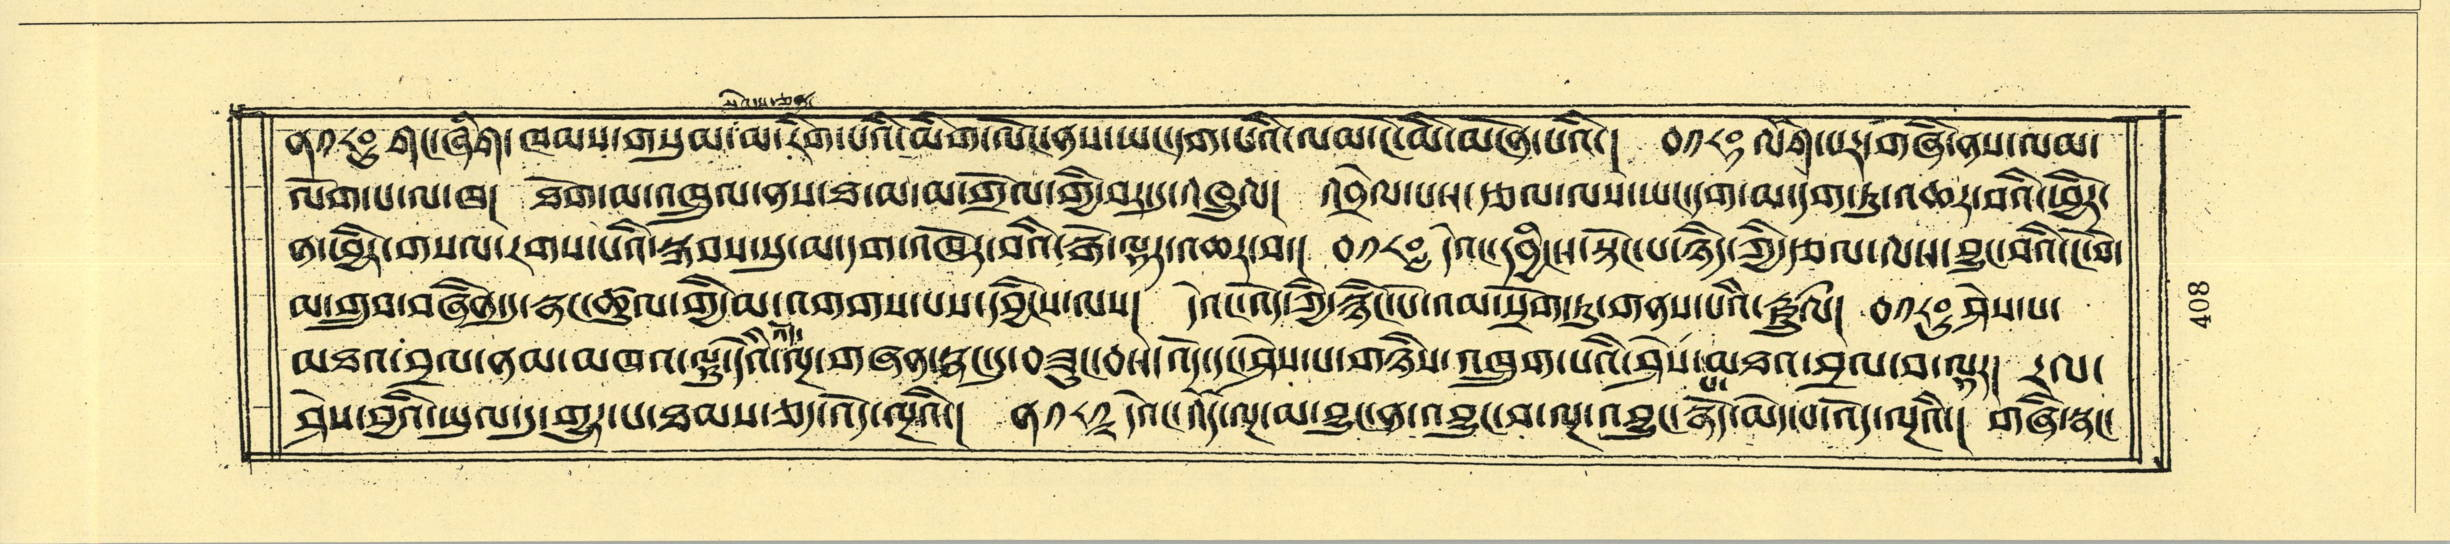ན༡༨༠།༦ ༼གང་ཞིག༽ཁམས་གསུམ་སེམས་ཅན་མ་རིག་པའི་མིག་ལོང་ནས་ཡང་དག་པའི་ལམ་ངོ་མིི་མངོན་པའི་ བ༡༨༠།༡༼ལོག་པར༽གཞི་ནས་ལམ་
ལོག་པ་ལ་ཁ། ཐོག་མ་འཁྲུལ་ནས་ཐ མ་མ་གྲོལ་གྱི་བར་དུ་འཁྲུལ།༼འབྲེལ་པས༽རྩལ་ལས་ཡང་དག་མ་དག་ཏུ་འཆར་བའི་ཕྱིར་
ན་ཕྱིར་གསལ་རགས་པའི་སྐབས་སུ་མ་དག་འཁོར་བའི་སྒོ་ལྟར་འཆར་བ། བ༡༨༠།༤༼དེའང་དབྱིངས༽སྟོང་པ་ཉིད་ཀྱི་རྩལ་༼ལས༽བྱུང་བའི་ངོ་བོ་
མ་གྲུབ་བཞིན་དུ་སྣང་གྱི་མ་འགག་པས་དབྱིངས་ལས། དེའང་འོད་ཀྱི་སྙིང་པོའམ་སྲོག་ཏུ་གནས་པའི་རྫུ་འཕྲུལ་ བ༡༨༠།༦ཤེས་པ་
མཐའ་བྲལ་ནམ་མཁའ་ལྟ་བུ་དེའི་འོད་ལྔ་གཞན་སྣང་དུ་༼བཟུང་བས༽འོད་དང་ཤེས་པ་གཉིས་འཁྲུག་པའི་ཤེས་པ་མཐའ་བྲལ་བ་ལྟར་༼རལ༽
ཤེས་བྱའི་ཡུལ་དུ་གྱུར་པ་ཐམས་ཅད་འོད་ལྔའི་གཞི་སྣང་